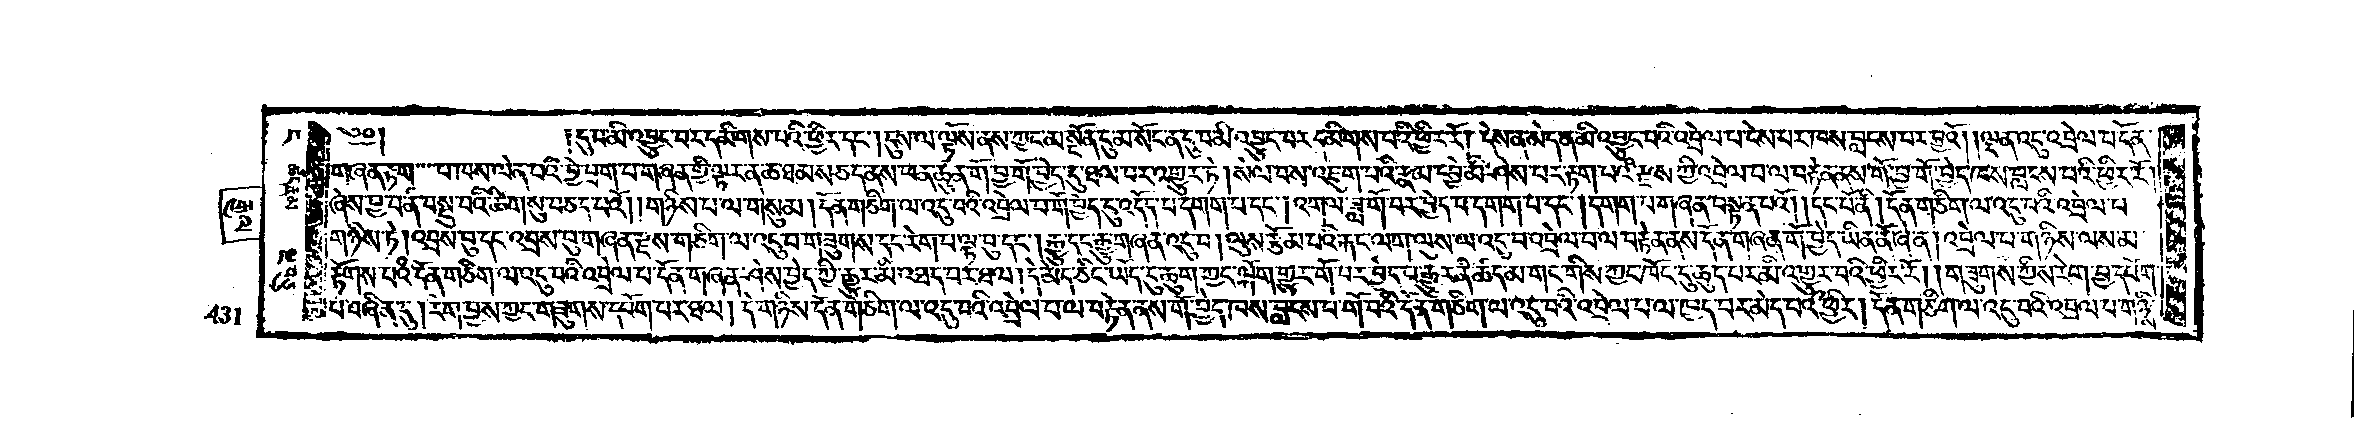༄༅། །དུ་བ་མི་འབྱུང་བར་དམིགས་པའི་ཕྱིར་དང་། དུས་ལ་ལྟོས་ནས་ཀྱང་མ་སྔོན་དུ་ན་དུ་བ་མི་འབྱུང་བར་དམིགས་པའི་ཕྱིར་རོ། །དེས་ན་མེད་ན་མི་འབྱུང་བའི་འབྲེལ་པ་ངེས་པར་ཁས་བླངས་པར་བྱའོ། །ལྡན་འདུ་འབྲེལ་པ་དོན་
གཞན་རྟག་པ་ཁས་ལེན་པའི་བྱེ་བྲག་པ་གཞན་གྱི་ལྟར་ན་ཆ་ཐམས་ཅད་ཕན་ཚུན་གོ་བྱ་གོ་བྱེད་དུ་ཐལ་བར་འགྱུར་ཏེ། སེལ་བས་འཇུག་པའི་རྣམ་དབྱེ་མི་ཤེས་པར་རྟག་པའི་རྫས་ཀྱི་འབྲེལ་བ་ལ་བརྟེན་ནས་གོ་བྱ་གོ་བྱེད་ཁས་བླངས་པའི་ཕྱིར་རོ། །
ཞེ་བྱ་བ་ན་བསྡུ་བའི་ཚིགས་སུ་བཅད་པའོ། །གཉིས་པ་ལ་གསུམ། དོན་གཅིག་ལ་འདུ་བའི་འབྲེལ་བ་གོ་བྱེད་དུ་འདོད་པ་དགག་པ་དང་། འགལ་ཟླ་གོ་བར་བྱེད་པ་དགག་པ་དང་། དགག་པ་གཞན་བསྟན་པའོ། །དང་པོ་ནི། དོན་གཅིག་ལ་འདུ་བའི་འབྲེལ་པ་
གཉིས་ཏེ། འབྲས་བུ་དང་འབྲས་བུ་གཞན་རྫས་གཅིག་ལ་འདུ་བ་གཟུགས་དང་རེག་པ་ལྟ་བུ་དང་། རྒྱུ་དང་རྒྱུ་གཞན་འདུ་བ། ལུས་རྩོམ་པའི་རྐང་ལག་ལུས་ལ་འདུ་བ་འབྲེལ་བ་ལ་བརྟེན་ནས་དོན་གཞན་གོ་བྱེད་ཡིན་ནོ་ཞེ་ན། འབྲེལ་པ་གཉིས་ལས་མ་
རྟོགས་པའི་དོན་གཅིག་ལ་འདུ་བའི་འབྲེལ་པ་དོན་གཞན་ཤེས་བྱེད་ཀྱི་རྒྱུར་མི་འཐད་པར་ཐལ། དེ་མེད་ཅིང་ཡོད་དུ་ཆུག་ཀྱང་ལྐོག་གྱུར་གོ་བར་བྱེད་པ་རྒྱུར་ནི་ཚད་མ་གང་གིས་ཀྱང་ཁོང་དུ་ཆུད་པར་མི་འགྱུར་པའི་ཕྱིར་རོ། །གཟུགས་ཀྱིས་རེག་བྱ་དཔོག་
པ་བཞིན་དུ། རིག་བྱས་ཀྱང་གཟུགས་དཔོག་པར་ཐལ། དེ་གཉིས་དོན་གཅིག་པ་ལ་འདུ་བའི་འབྲེལ་པ་ལ་བརྟེན་ནས་གོ་བྱེད་ཁས་བླངས་པ་གོ་བའི་དོན་གཅིག་ལ་འདུ་བའི་འབྲེལ་པ་ལ་ཁྱད་པར་མེད་པའི་ཕྱིར། དོན་གཅིག་ལ་འདུ་བའི་འབྲལ་པ་གཉིས་